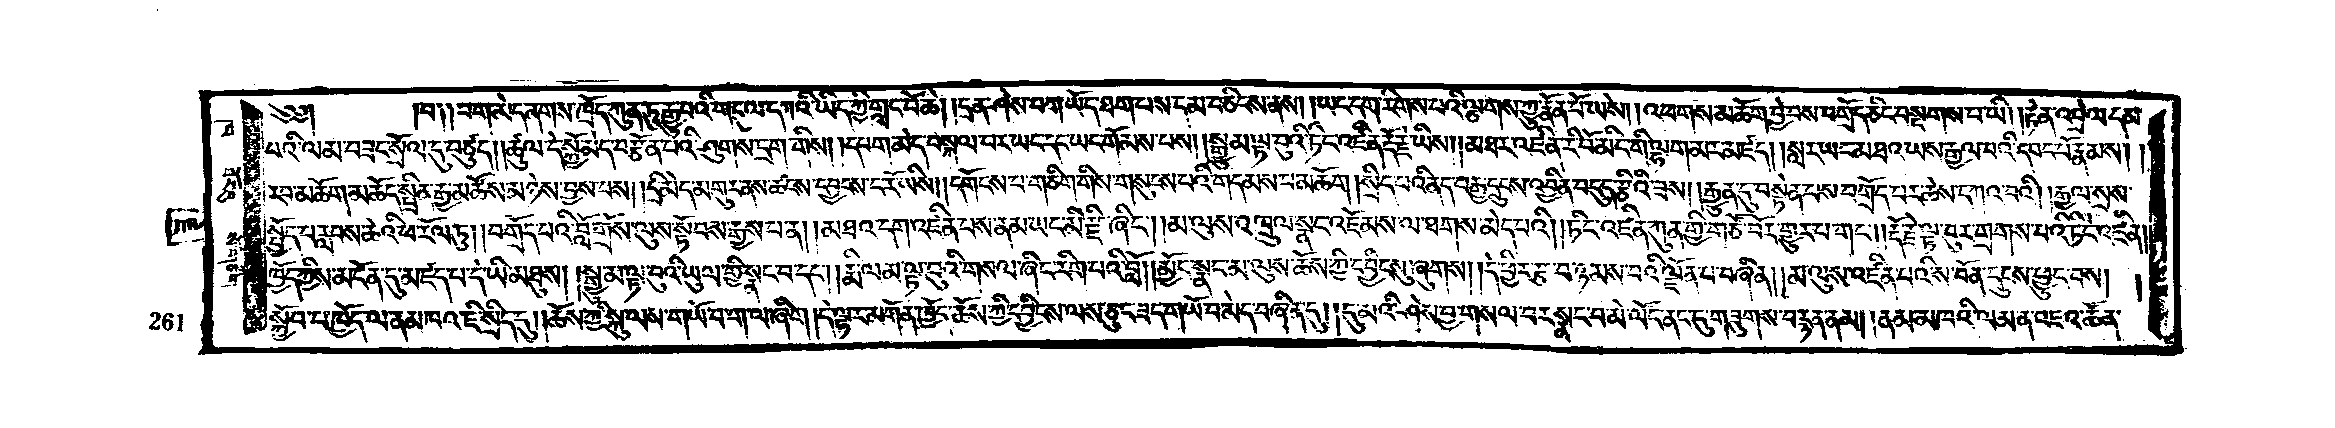༄༅། །བ། །བག་མེད་ནགས་ཁྲོད་ཀུན་ཏུ་རྒྱུ་བའི་གདུལ་དཀའི་ཡིད་ཀྱི་གླང་པོ་ཆེ། །དྲན་ཤེས་བག་ཡོད་ཐག་པས་དམ་བཅིངས་ནས། །ཡང་དག་རིགས་པའི་ལྕགས་ཀྱུ་རྣོན་པོ་ཡིས། །འཕགས་མཆོག་བྱེ་བས་བགྲོད་ཅིང་བསྔགས་པ་ཡི། །རྟེན་འབྲལ་དམ་
པའི་ལམ་བཟང་སྲོལ་དུ་བཅུད། །ཚུལ་དེ་སྐྱོ་མེད་བརྩོན་པའི་ཤུགས་དྲག་གིས། །དཔག་མེད་བསྐལ་པར་ཡང་དང་ཡང་གོམས་པས། །སྒྱུ་མ་ལྟ་བུའི་ཏིང་འཛིན་རྡོ་རྗེ་ཡིས། །མཐར་འཛིན་རི་བོ་མིང་གི་ལྷག་མར་མཛད། །སླར་ཡང་མཐའ་ཡས་རྒྱལ་བའི་དབང་པོ་རྣམས་
རབ་མཆོག་མཆོད་སྤྲིན་རྒྱ་མཚོས་མཉེས་བྱས་པས། །དྲི་མེད་མགུར་ནས་ཆངས་དབྱངས་ང་རོ་ཡིས། །དགོངས་པ་གཅིག་གིས་གསུངས་པའི་གདམས་པ་མཆོག །སྲིད་པའི་ནད་བརྒྱ་དྲུངས་འབྱིན་བདུད་རྩིའི་ཟས། །རྒྱུན་དུ་བསྟེན་པས་བགྲོད་པར་ཆེས་དཀའ་བའི། །རྒྱལ་སྲས་
སྤྱོད་པ་རླབས་ཆེའི་ཕ་རོལ་ཏུ། །བགྲོད་པའི་བློ་གྲོས་ལུས་སྟོབས་རྒྱས་པ་ན། །མཐའ་དག་འཛིན་པས་ནམ་ཡང་མི་རྫི་ཞིང་། །མ་ལུས་འཁྲུལ་སྣང་འཇོམས་ལ་ཐགས་མེད་པའི། །ཏིང་འཛིན་ཀུན་གྱི་གཙོ་བོར་གྱུར་པ་གང་། །རྡོ་རྗེ་ལྟ་བུར་གྲགས་པའི་ཏི་ངེ་འཛིན། །
ཁྱོད་ཀྱིས་མངོན་དུ་མཛད་པ་དེ་ཡི་མཐུས། །སྒྱུ་མ་ལྟ་བུའི་ཡུལ་གྱི་སྣང་བ་དང་། །རྨི་ལམ་ལྟ་བུའི་གསལ་ཞིང་རིག་པའི་བློ། །མྱོང་སྣང་མ་ལུས་ཆོས་ཀྱི་དབྱིངས་སུ་ཞུགས། །དེ་ཕྱིར་རྩ་བ་ཉམས་བའི་ལྗོན་པ་བཞིན། །མ་ལུས་འཛིན་པའི་ས་བོན་དྲུངས་ཕྱུང་བས། །
སྐྱོབ་པ་ཁྱོད་ལ་ནམ་མཁའ་ཇི་སྲིད་དུ། །ཆོས་ཀྱི་སྐུ་ལས་གཡོ་བ་ག་ལེ་ཞིག །དེ་ལྟར་མགོན་ཁྱོད་ཆོས་ཀྱི་དབྱིངས་པས་ཅུང་ཟད་གཡོ་བ་མེད་བཞིན་དུ། །དུ་མའི་ཤེས་བྱ་གསལ་བར་སྣང་བ་མེ་ལོང་ནང་དུ་གཟུགས་བརྙན་ནམ། །ནམ་མཁའི་ལམ་ན་འཇའ་ཚོན་